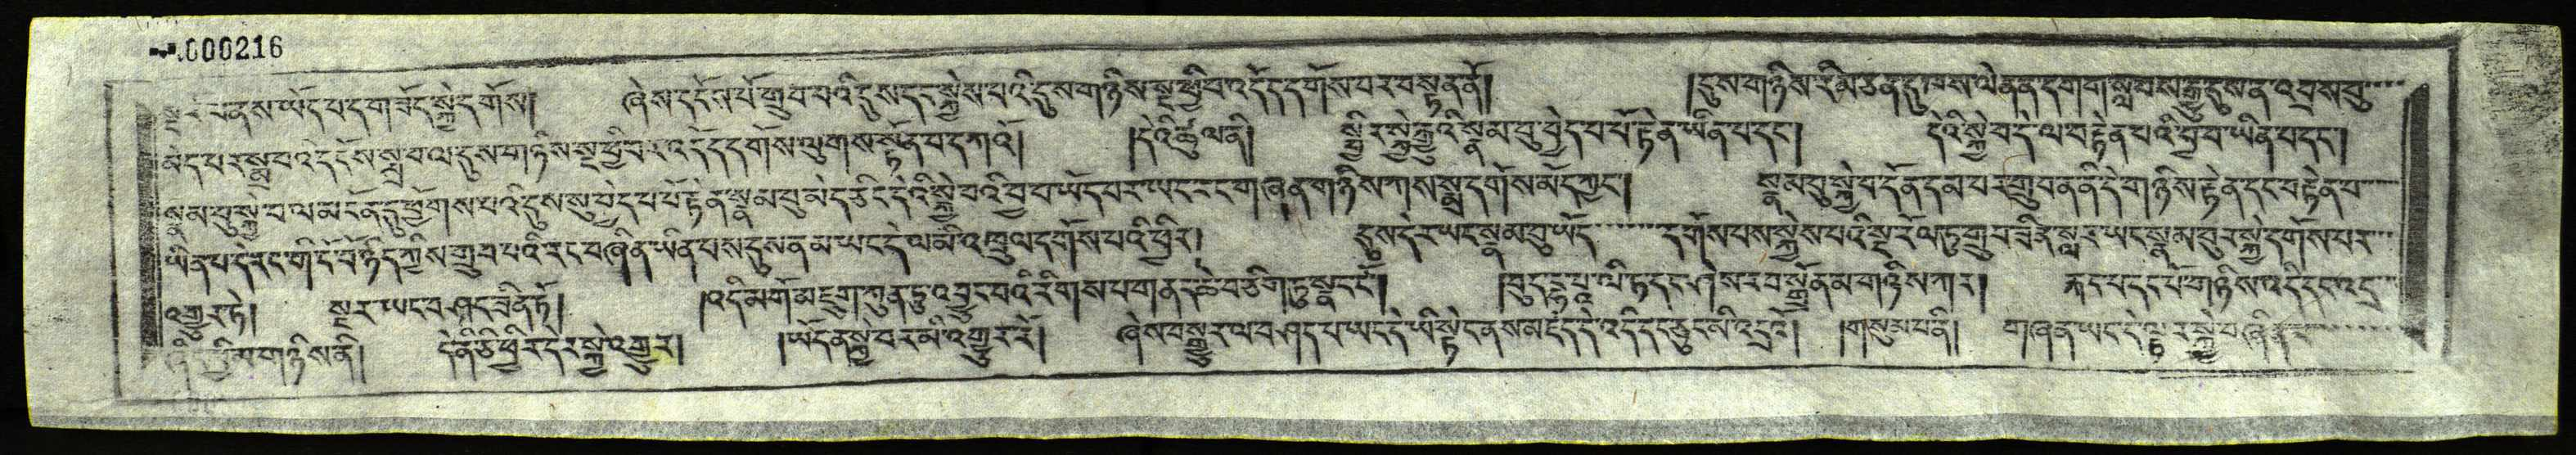སྔར་ལ་ནས་ཡོད་པ་དག་ཟོད་སྐྱེ་དགོས། ཞེས་དངོས་པོ་གྲུབ་པའི་དུས་དང་སྐྱེས་པའི་དུས་གཉིས་སྔ་ཕྱི་བ་འདོད་དགོས་པར་བསྟན་ནོ། །དུས་གཉིས་རིམ་ཅན་དུ་ཁས་ལེན་ན་དགག་སླབས་རྒྱུ་དུས་ན་འབྲས་བུ་
མེད་པར་སྨྲ་བའི་དངོས་སྨྲ་བ་ལ་དུས་གཉིས་སྔ་ཕྱི་བར་འདོད་དགོས་ལུགས་སྟོན་པ་དཀའོ། །དེའི་ཚུལ་ནི། སྤྱིར་སྐྱེ་རྒྱུའི་སྣམ་བུ་བྱེད་པ་པོ་རྟེན་ཡིན་པ་དང་། དེའི་སྐྱེ་བ་དེ་ལ་བརྟེན་པའི་བྱ་བ་ཡིན་པ་དང་།
སྣམ་བུ་སྐྱེ་བ་ལ་མངོན་དུ་ཕྱོགས་པའི་དུས་སུ་བྱེད་པ་པོ་རྟེན་སྣམ་བུ་མེད་ཅིང་དེའི་སྐྱེ་བའི་བྱ་བ་ཡོད་བར་ཡང་རང་གཞན་གཉིས་ཀས་སྨྲ་དགོས་མོད་ཀྱང་། སྣམ་བུ་སྐྱེ་བ་དོན་དམ་པར་གྲུབ་ན་ནི་དེ་གཉིས་རྟེན་དང་བརྟེན་པ་
ཡིན་པ་དེ་རང་གི་ངོ་བོ་ཉིད་ཀྱིས་གྲུབ་པའི་རང་བཞིན་ཡིན་པས་དུས་ནམ་ཡང་དེ་ལ་མི་འཁྲུལ་དགོས་པའི་ཕྱིར། དུས་དེར་ཡང་སྣམ་བུ་ཡོད་དགོས་པས་སྐྱེས་པའི་སྔ་རོལ་ཏུ་གྲུབ་ཟིན་སླར་ཡང་སྣམ་བུར་སྐྱེ་དགོས་པར་
འགྱུར་ཏེ། སྔར་ཡང་བཤད་ཟིན་ཏོ། །འདི་མགོ་མཇུག་ཀུན་ཏུ་འབྱུང་བའི་རིགས་པ་གནད་ཆེ་བ་ཅིག་ཏུ་སྣང་ངོ། །བུད་དྷ་པཱ་ལི་ཏ་དང་ཤེས་རབ་སྒྲོན་མ་གཉིས་ཀར། རྐང་པ་དང་པོ་གཉིས་འདི་དང་འདྲ་
ཞིང་ཕྱི་མ་གཉིས་ནི། དེ་ནི་ཅི་ཕྱིར་དེར་སྐྱེ་འགྱུར། །ཡོད་ན་སྐྱེ་བར་མི་འགྱུར་རོ། ཞེས་བསྒྱུར་ལ་བཤད་པ་ཡང་དེ་ཡི་སྟེང་ནས་མཛད་དེ་འདི་དང་ཅུང་མི་འདྲའོ། །གསུམ་པ་ནི། གཞན་ཡང་དེ་ལྟར་སྐྱེ་བཞིན་པ་